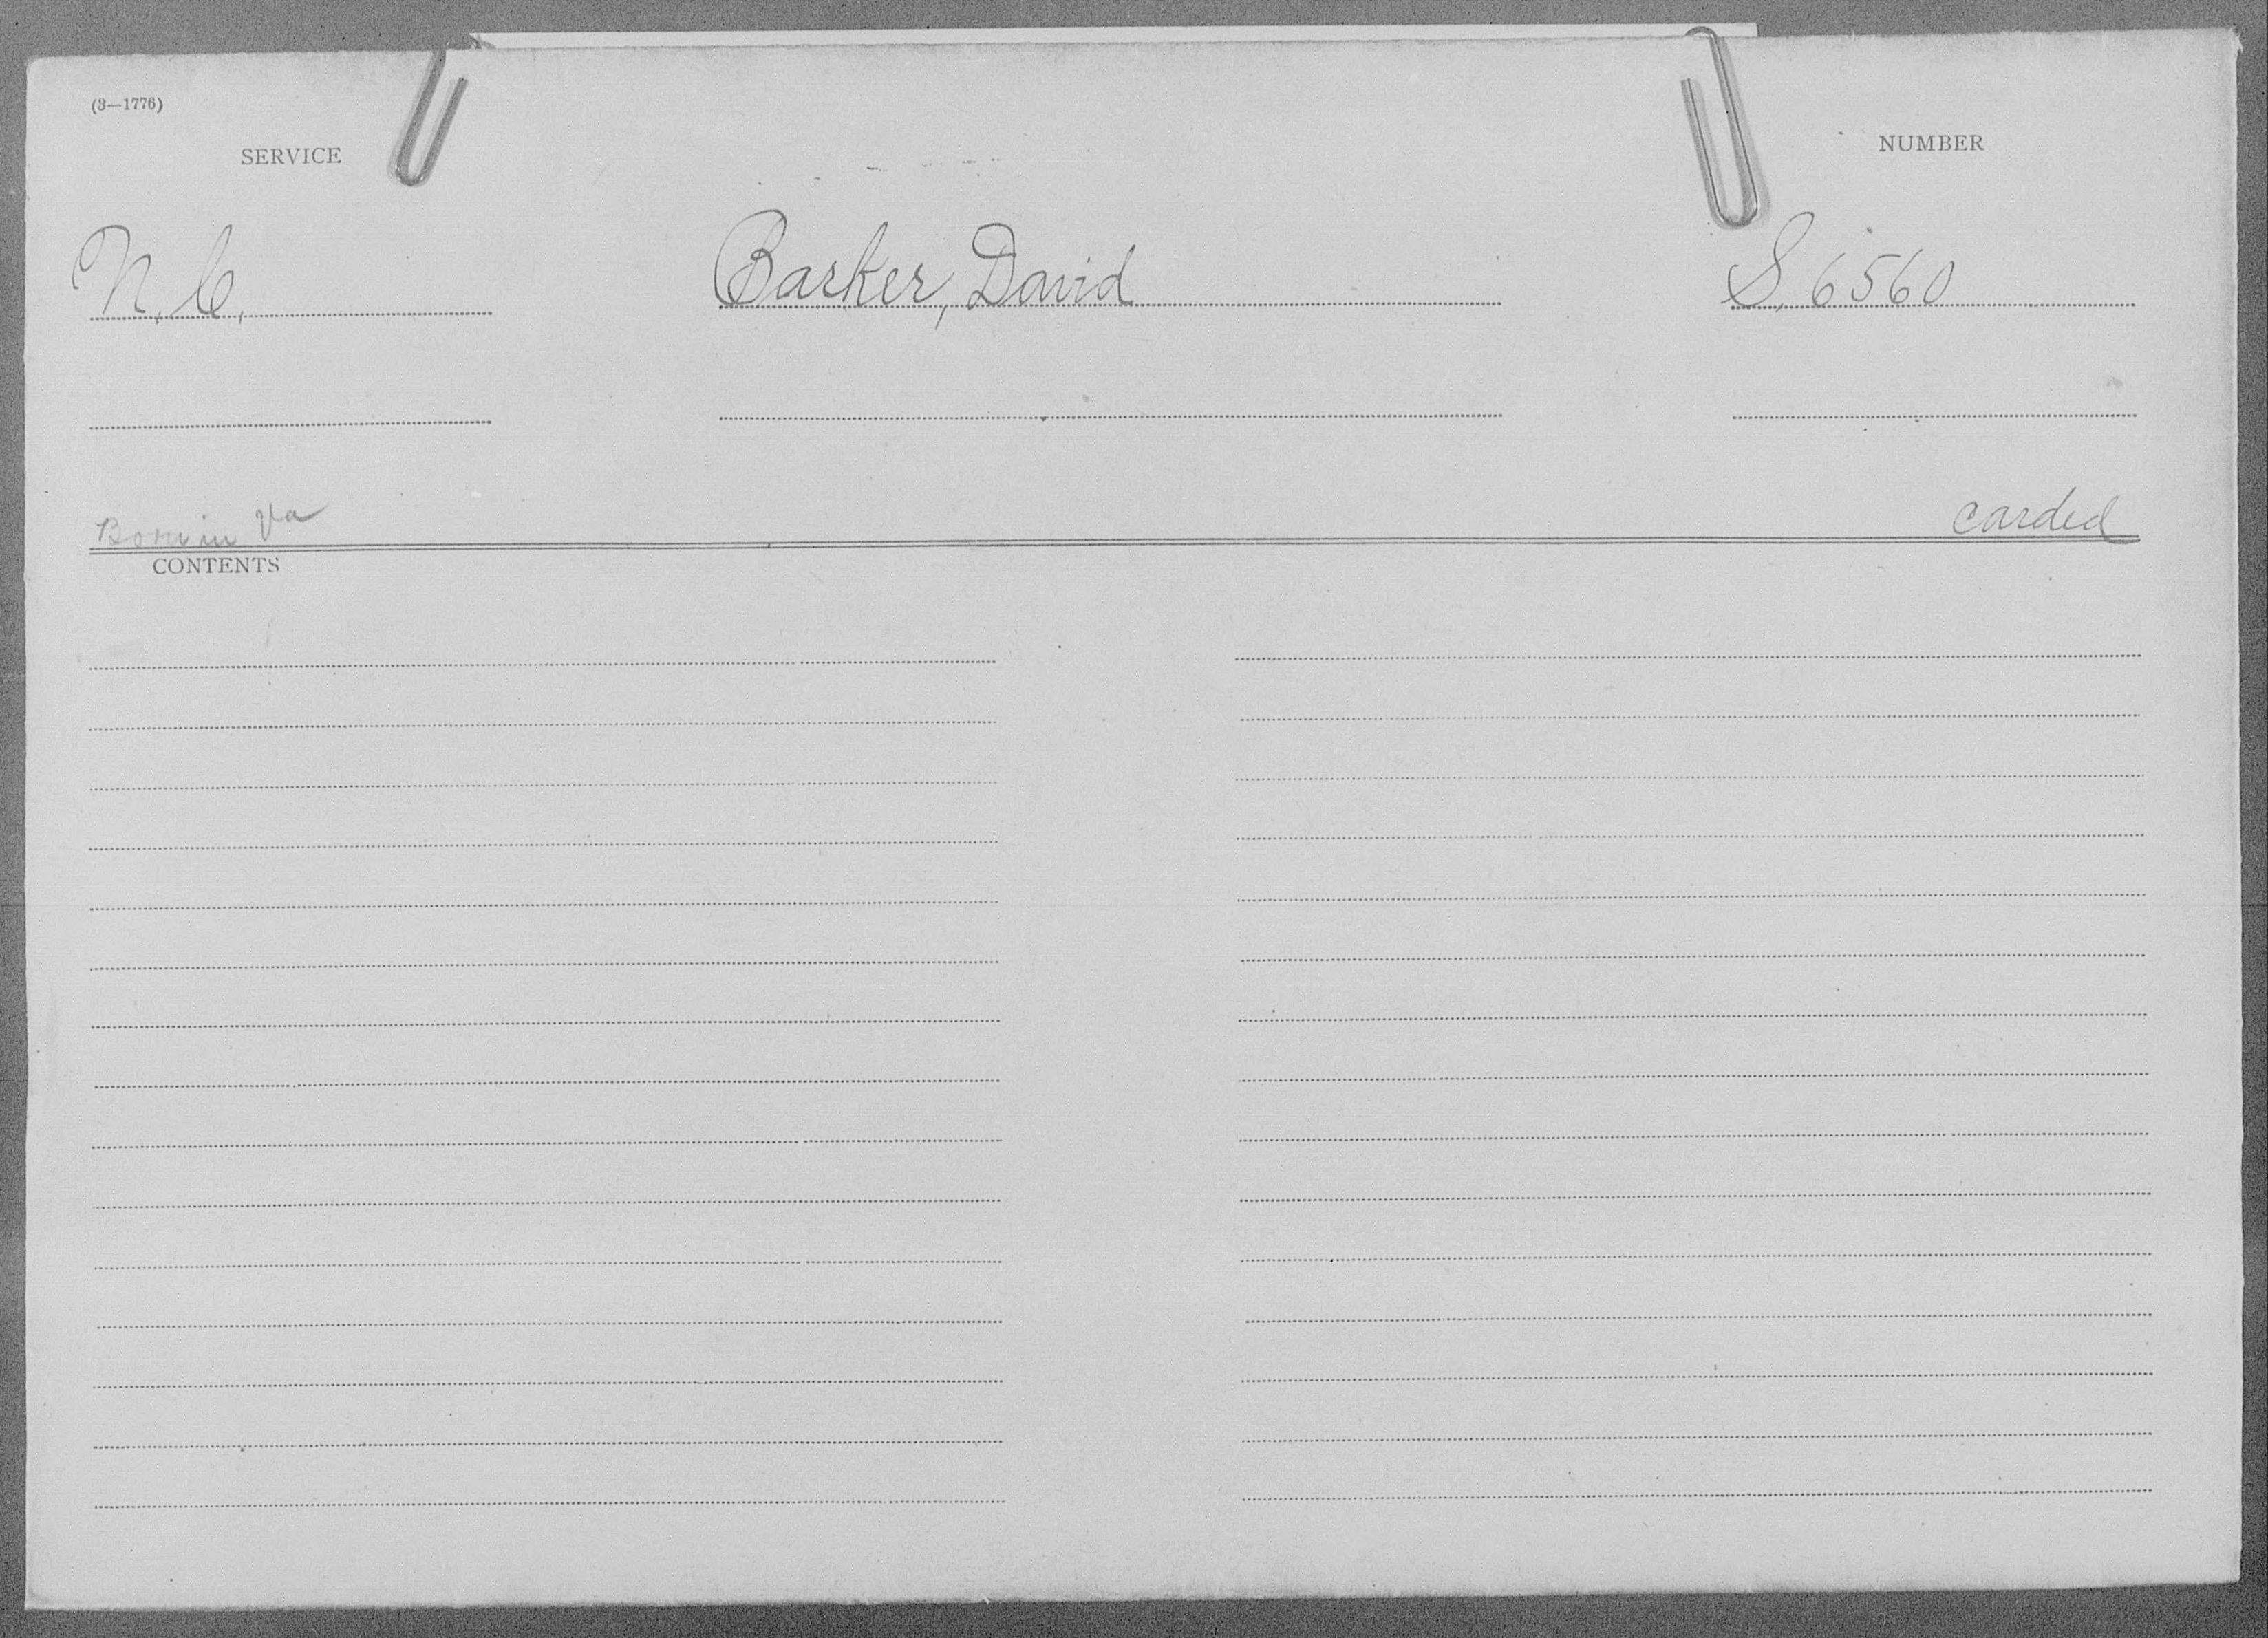[typed form, with handwritten responses]

[3-1776]

SERVICE
N.C.

Barker, David

NUMBER
S. 6560

CONTENTS
Born in Va
carded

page: 1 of 23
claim: survivor's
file: S. 6560, David Barker, N.C.